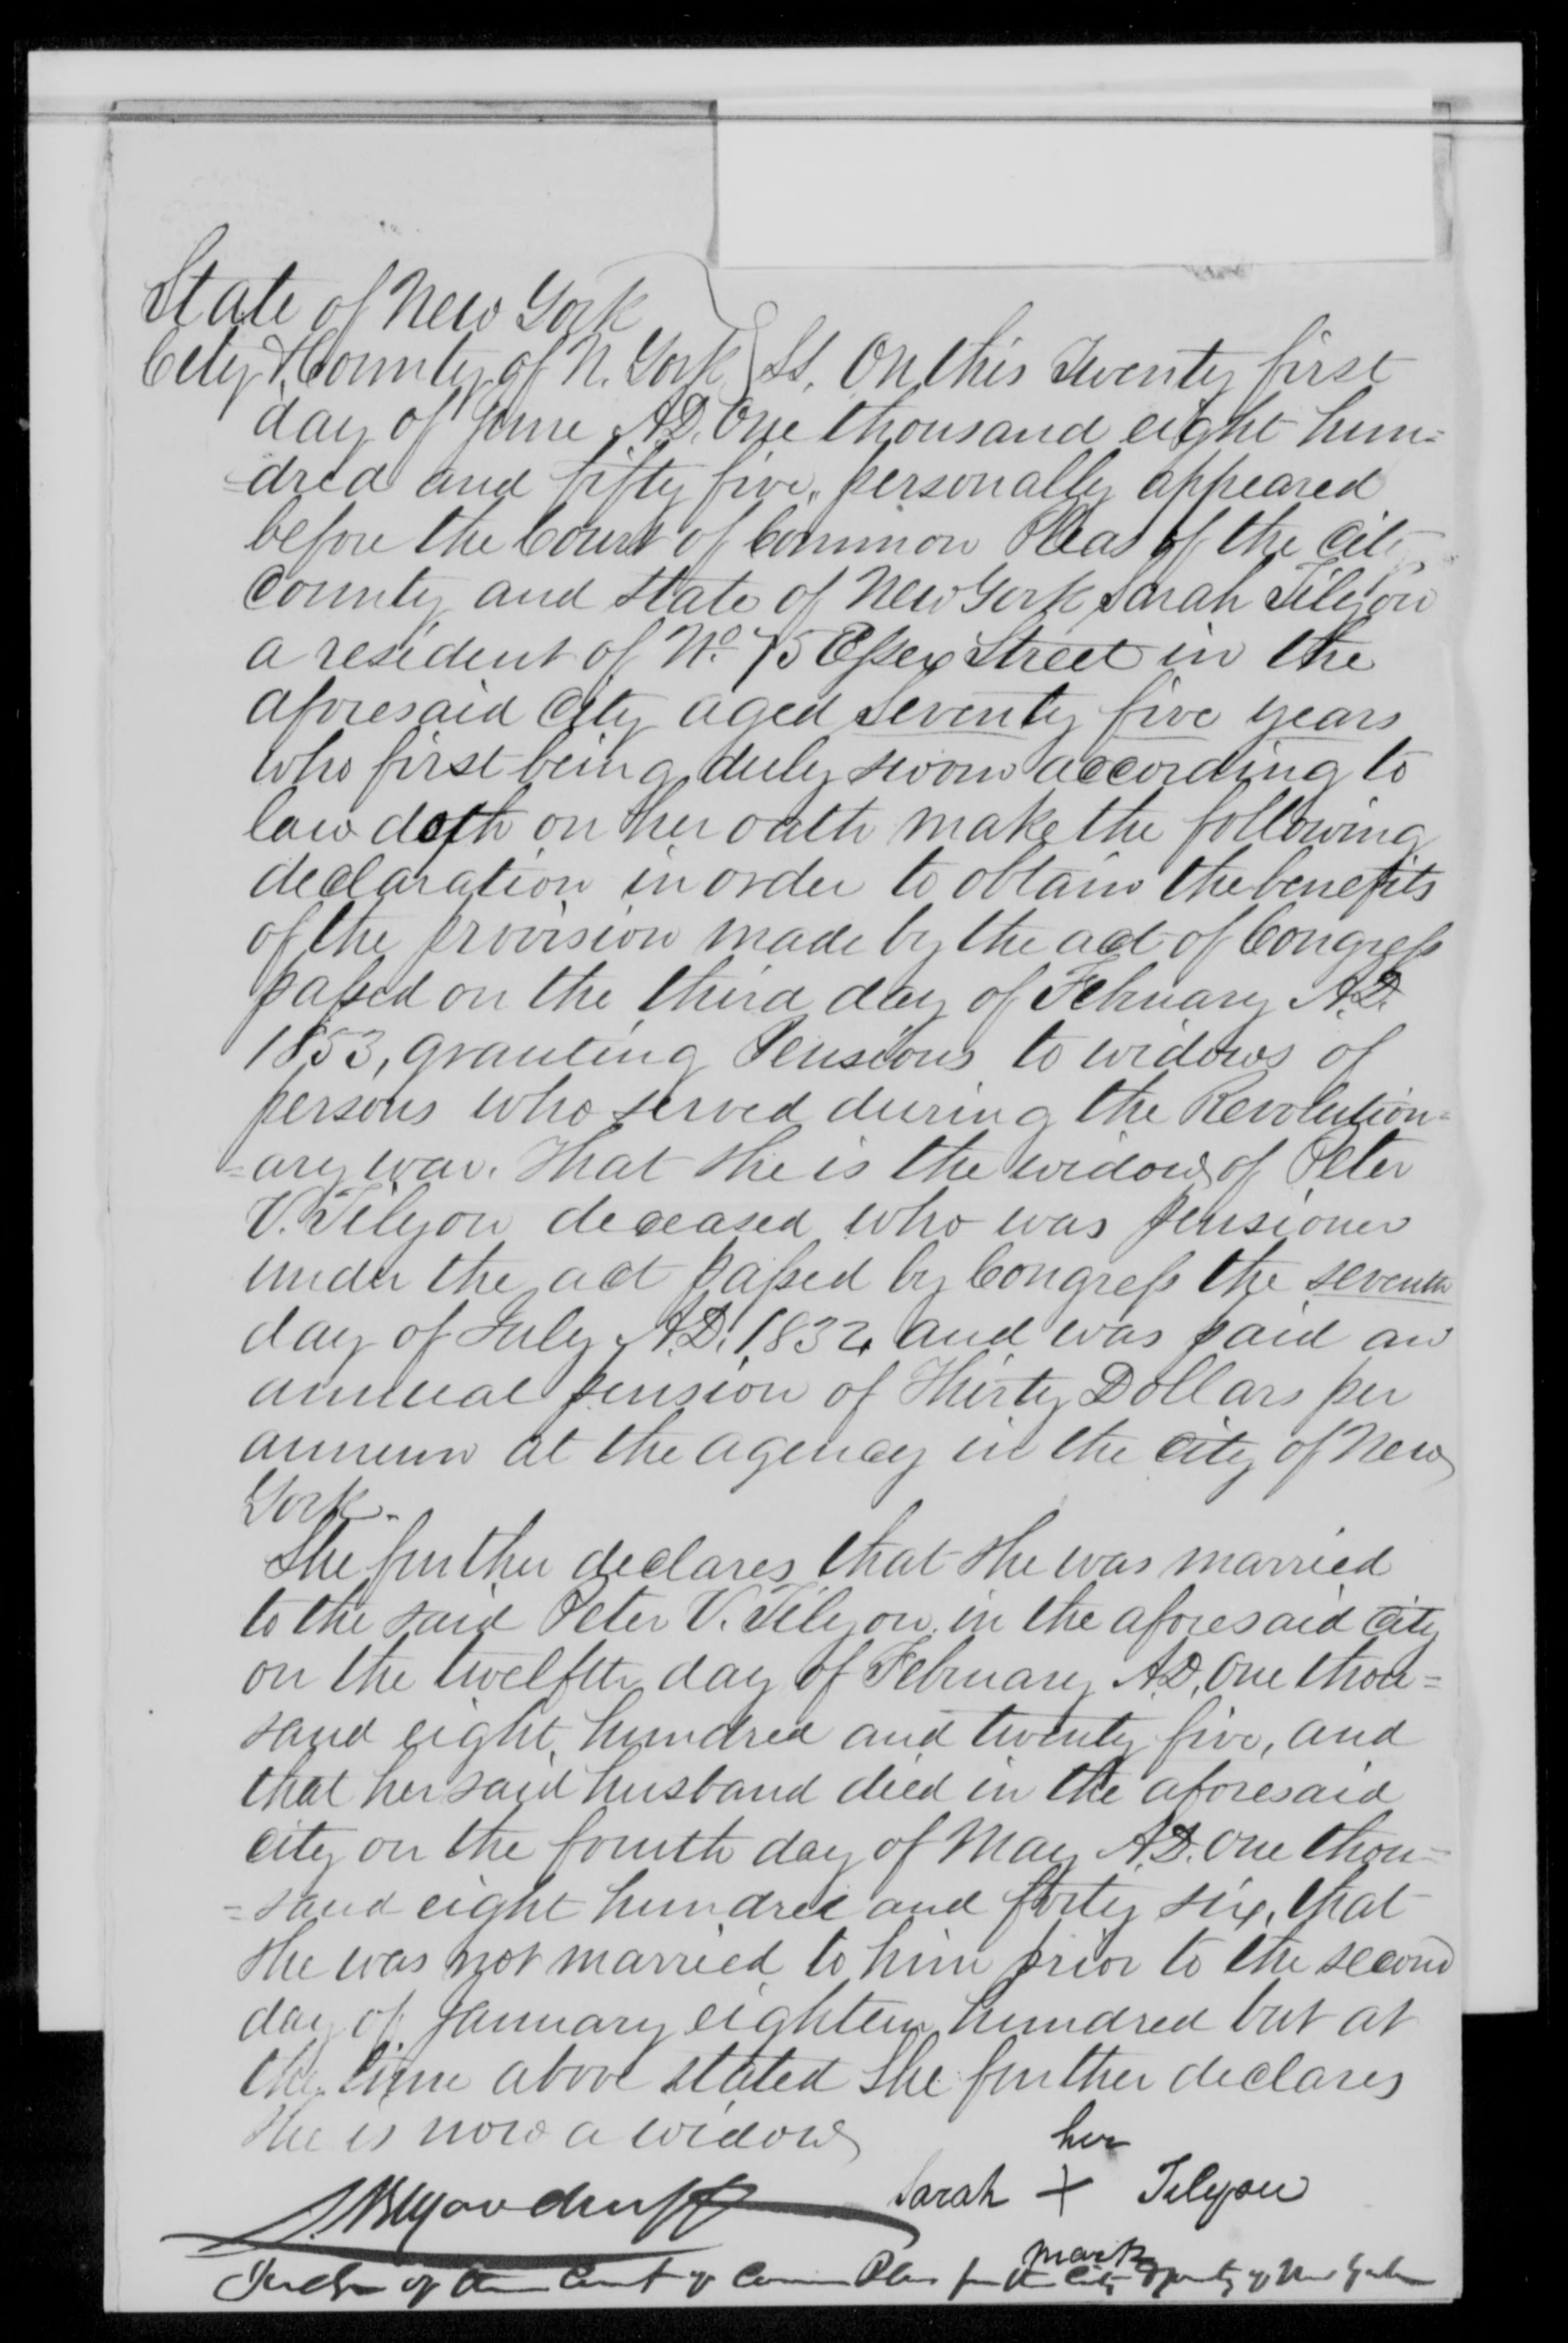State of New York
City and County of N. York} SS    On this twenty-first dayof June A.D. One thousand eighthundred and fifty five, personally appeared before the Clerk of the Court of Common Pleas of the City, County and State of New York Sarah Tilyou, a resident of No. 75 Essex Street in the aforesaid City aged seventy five years, who first being duly sworn according to law doth on her oath make the following declaration in order to obtain the benefits of the pension made by the Act of Congress passed on the 3rd day of February A.D. 1853, granting pensions to widows of persons who served in the Revolutionary War. That she is the widow of Peter V. Tilyou, deceased, who was pensioner under the Act of Congress passed the seventhth day of July A.D. 1832, and was paid an annual pension of Thirty Dollars per annum at the agency in the City of New York.

She further declares that she was married to said Peter V. Tilyou in the aforesaid city on the twelfth day of February A.D. One thousand eight hundred and twenty-five and that her said husband died in the aforesaid city on the fourth day of May A.D. One thousand eight hundred and forty six, that she was not married to him prior to the second day of January eighteen hundred but at the time above stated. She further declares she is now a widow

                                  here
                          Sarah X Tilyou
                                  mark
S. Woodruff
Clerk of the Court of Common Pleas for the City, County and State of New York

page: 15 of 101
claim: widow's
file: W. 25481, for Peter V Tilyou, New Jersey